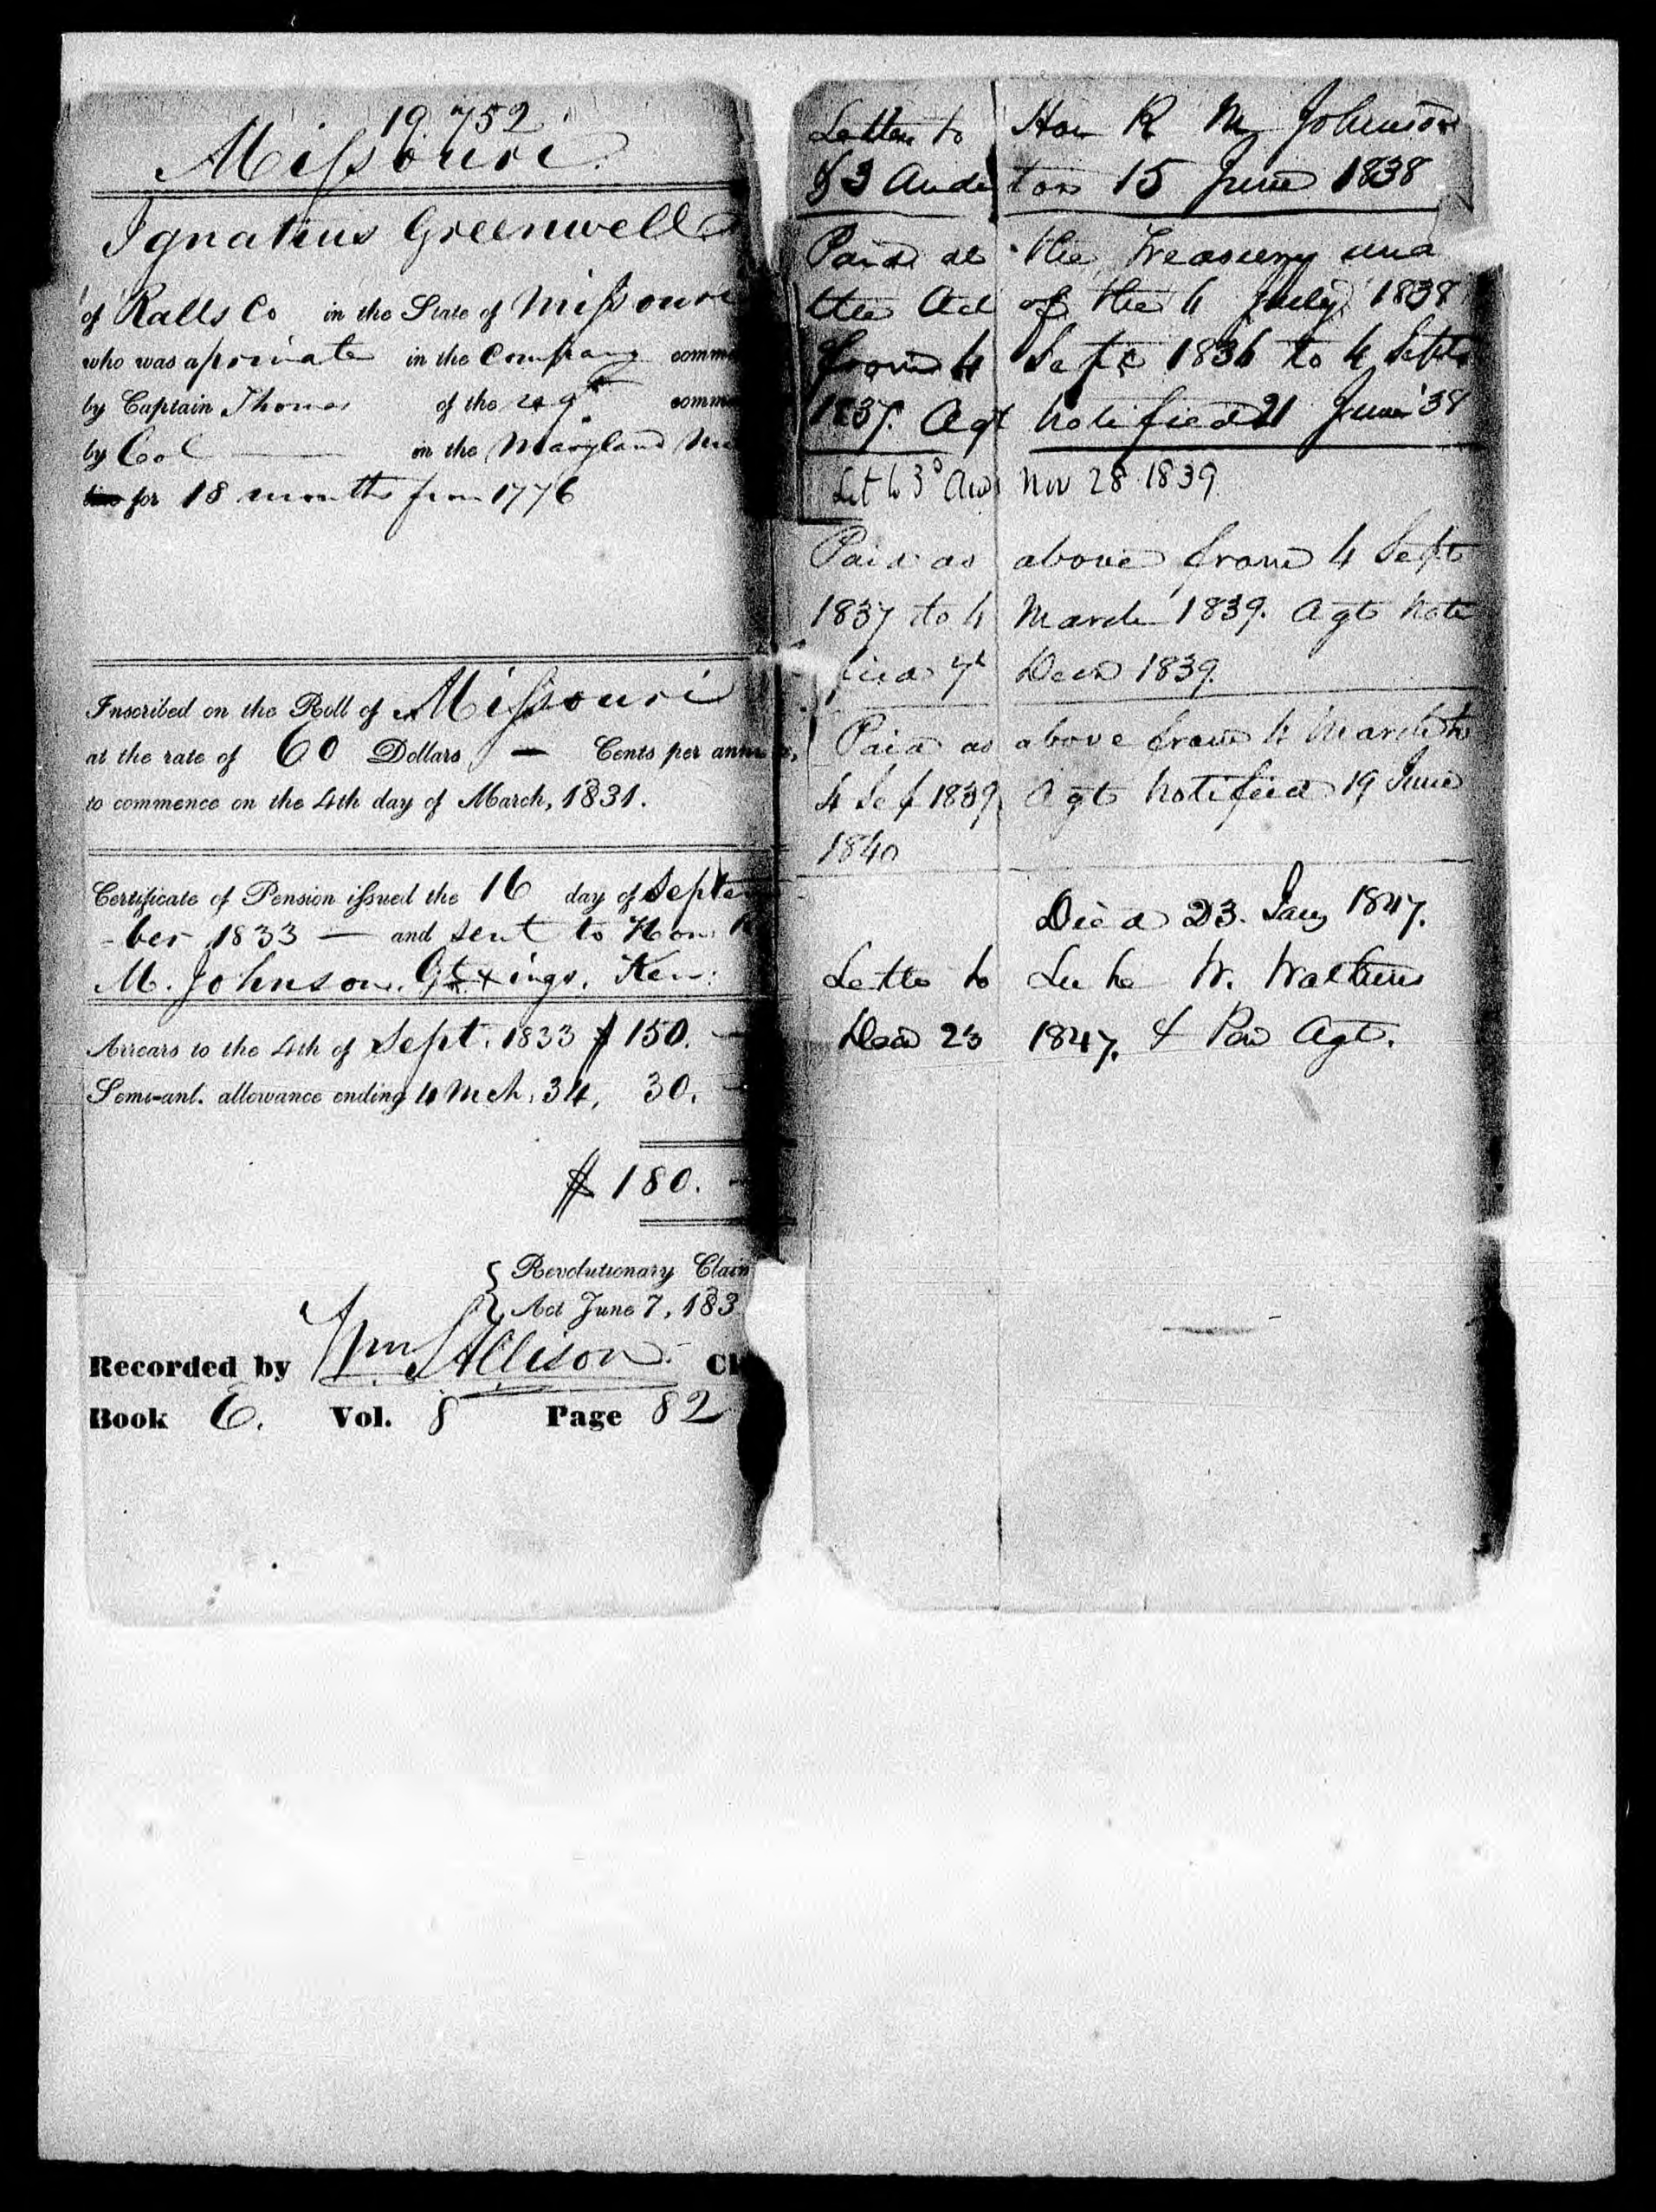[Two columns]
[Left column]

19752
Missouri
======================
Ignatus Greenwell
of Ralls Co. in the State of Missouri
who was a private in the Company comm[remainder cut off]
by Captain Thomas of the regt. comm[remainder cut off]
by Col [blank] in the Maryland [remainder cut off]
[word line struck out] 18 months from 1776
=======================
Inscribed on the Roll of Missouri
at the rate of 60 Dollars [blank] Cents per annum
to commence on the 4th day of March 1831.
=======================
Certificate of Pension issued the 16 day of Septem
ber 1833 and sent to Hon R
M. Johnson [illegible]Ken.
=======================
Arrears to the 4th of Sept. 1833 $150.--
Semi-anl. allowance ending 10 March 34 30.--
$180.--
=====
{ Revolutionary Claim }
{ Act June 7, 1832 }

Recorded by Wm S Allison Clerk
Book E, Vol 8, Page 82

[Right column]

Letter to Hon R M Johnson
& 3 Auditor 15 June 1838
_________________________
Paid at the Treasury under
the Act of the 6 July 1838
from 4 Sept 1836 to 4 Sept
1837. Agt notified 21 June '38
__________________________
Let to 3d Aud Nov 28 1839
Paid as above from 4 Sept
1837 to 4 March 1839.  Agt noti
fied 7th Decr 1839.
___________________________
Paid as above from 4 March to
4 Sep 1839. Agt notified 19 June
1840
___________________________
Died 23. Jany 1847.
Letter to [illegible] W. Wathers
Decd 23 1847. & Paid Agt.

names: Thomas, Wm S Allison, W Wathers, Ignatius Greenwell, R M Johnson, R M Johnson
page: 2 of 19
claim: survivor's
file: S. 16836, Ignatus Greenwell, Md.